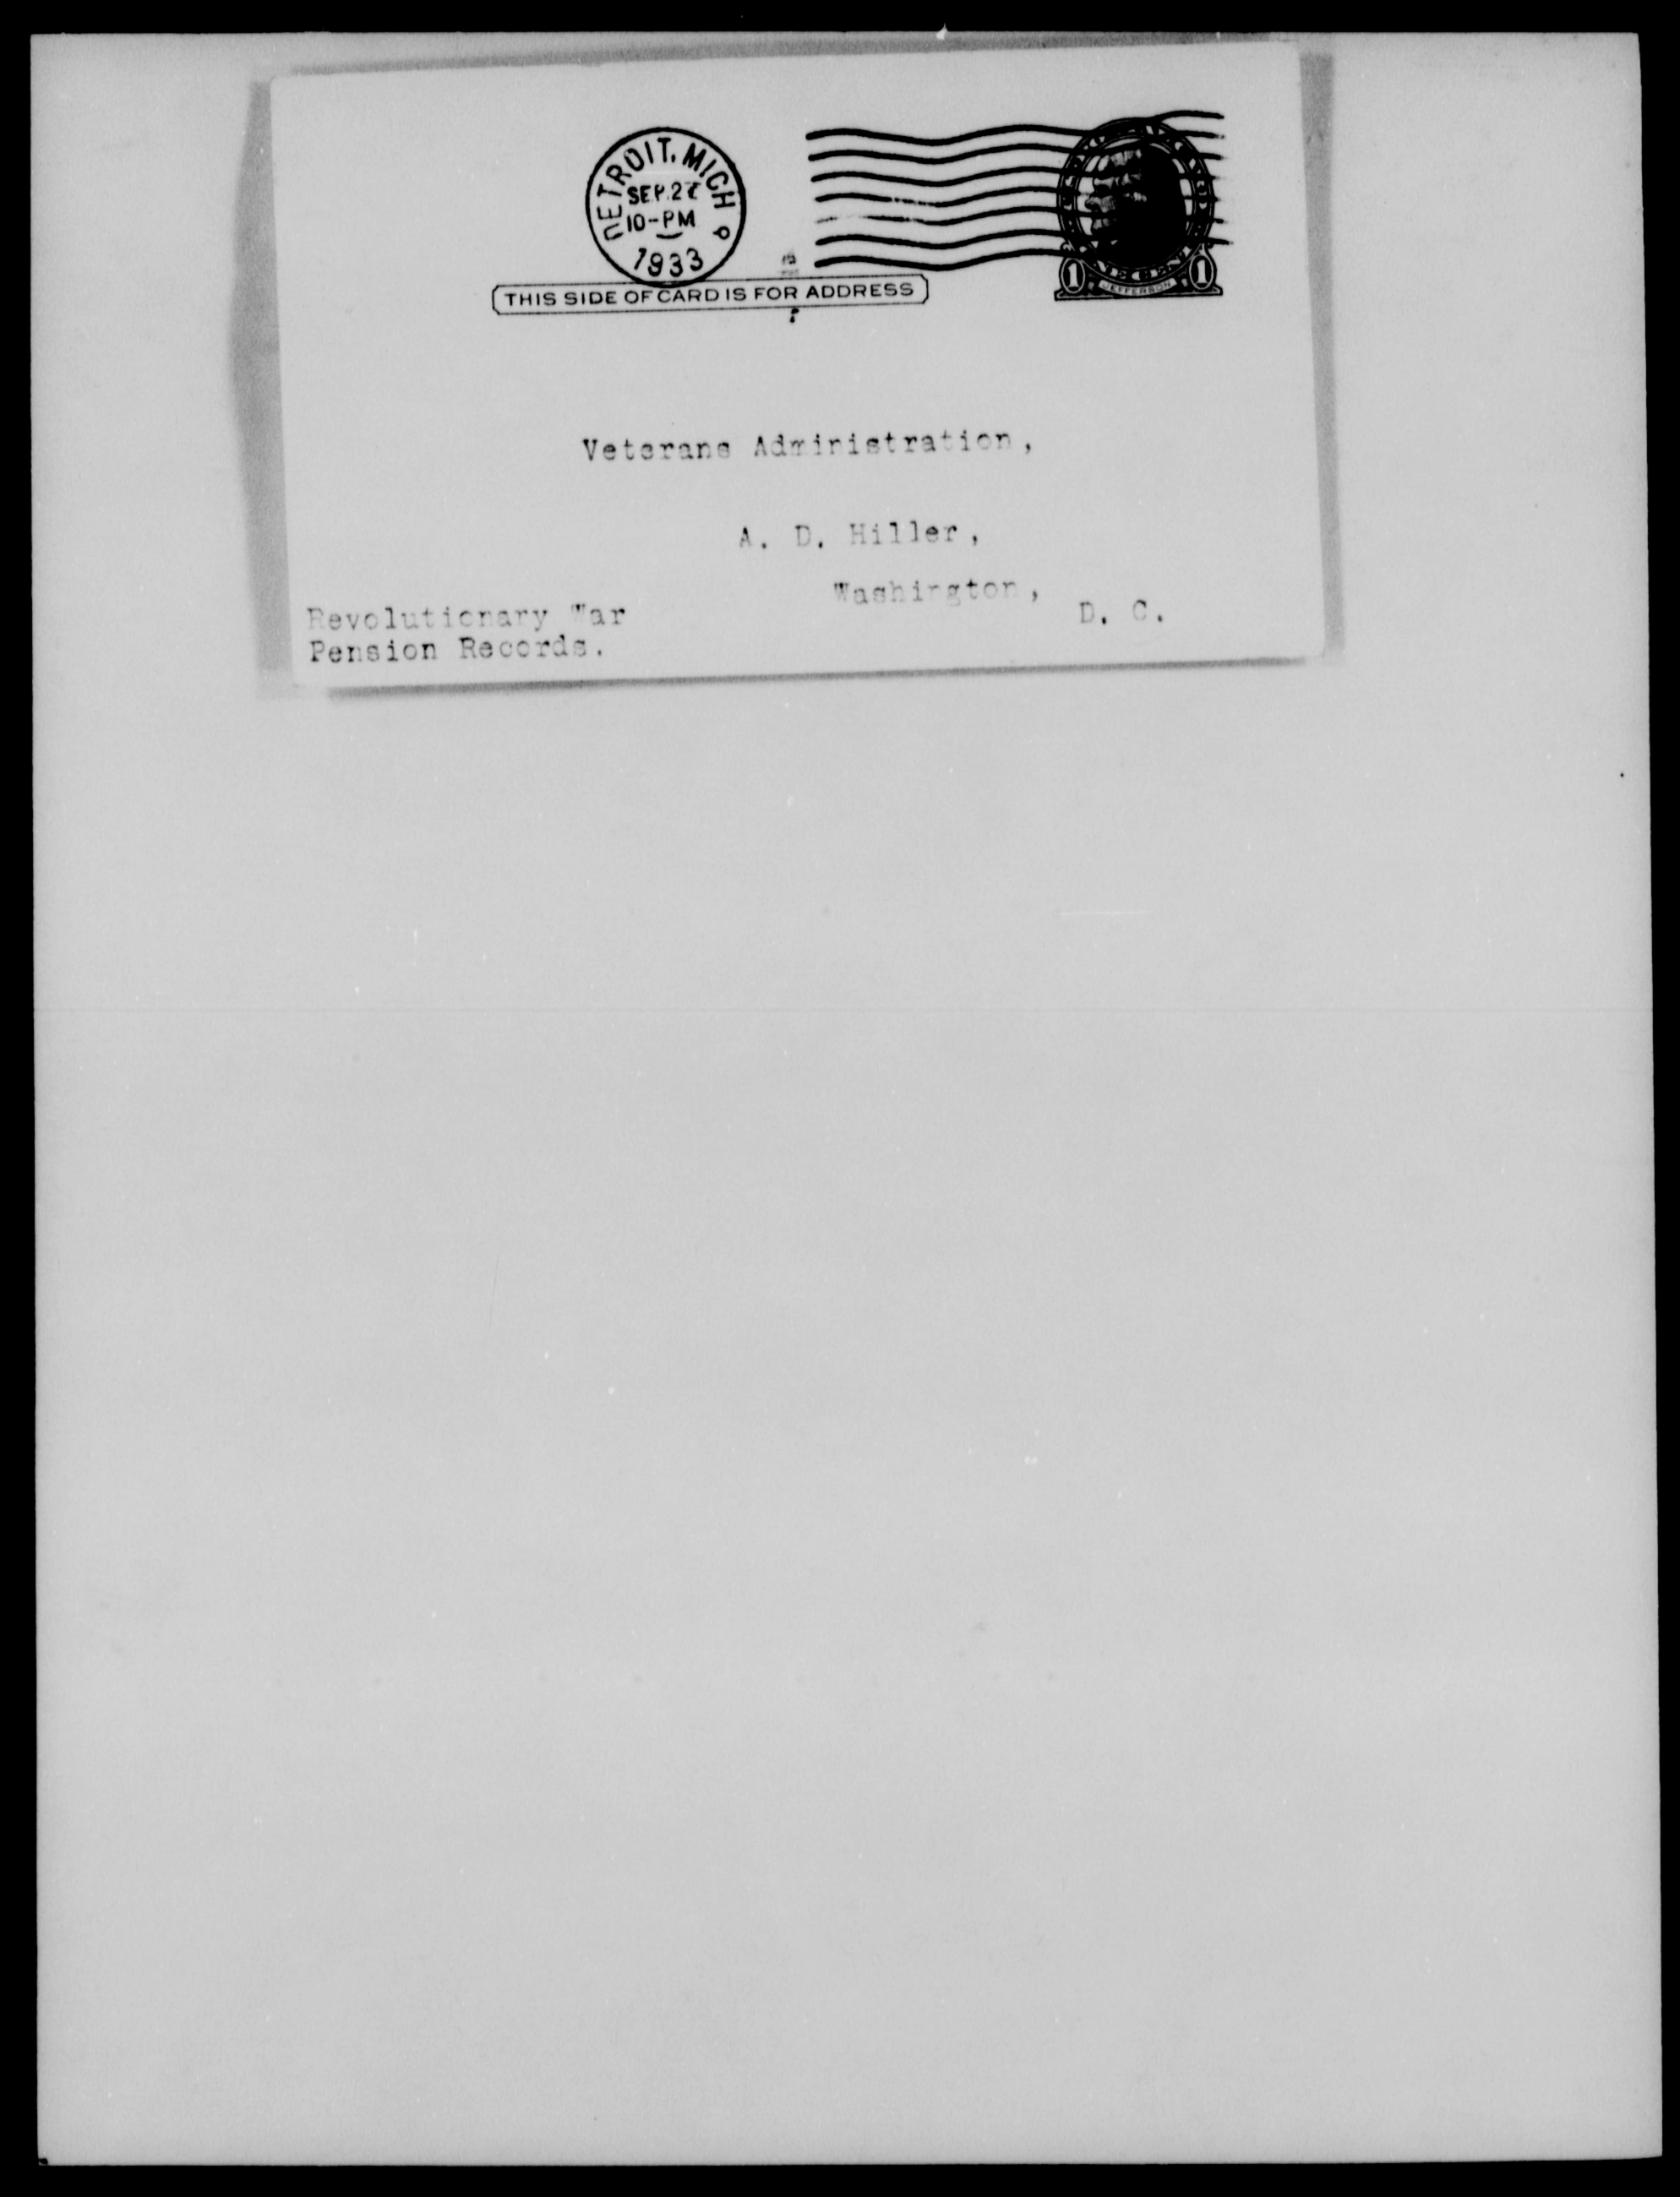[stamp] Detroit, Mich Sep 27 10-PM 1933

Veterans Administration,
A. D. Hiller,
Washington, D. C.

Revolutionary War
Pension Records.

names: A D Hiller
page: 14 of 33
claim: rejected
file: R. 9635, for Thomas Skinner, Delaware